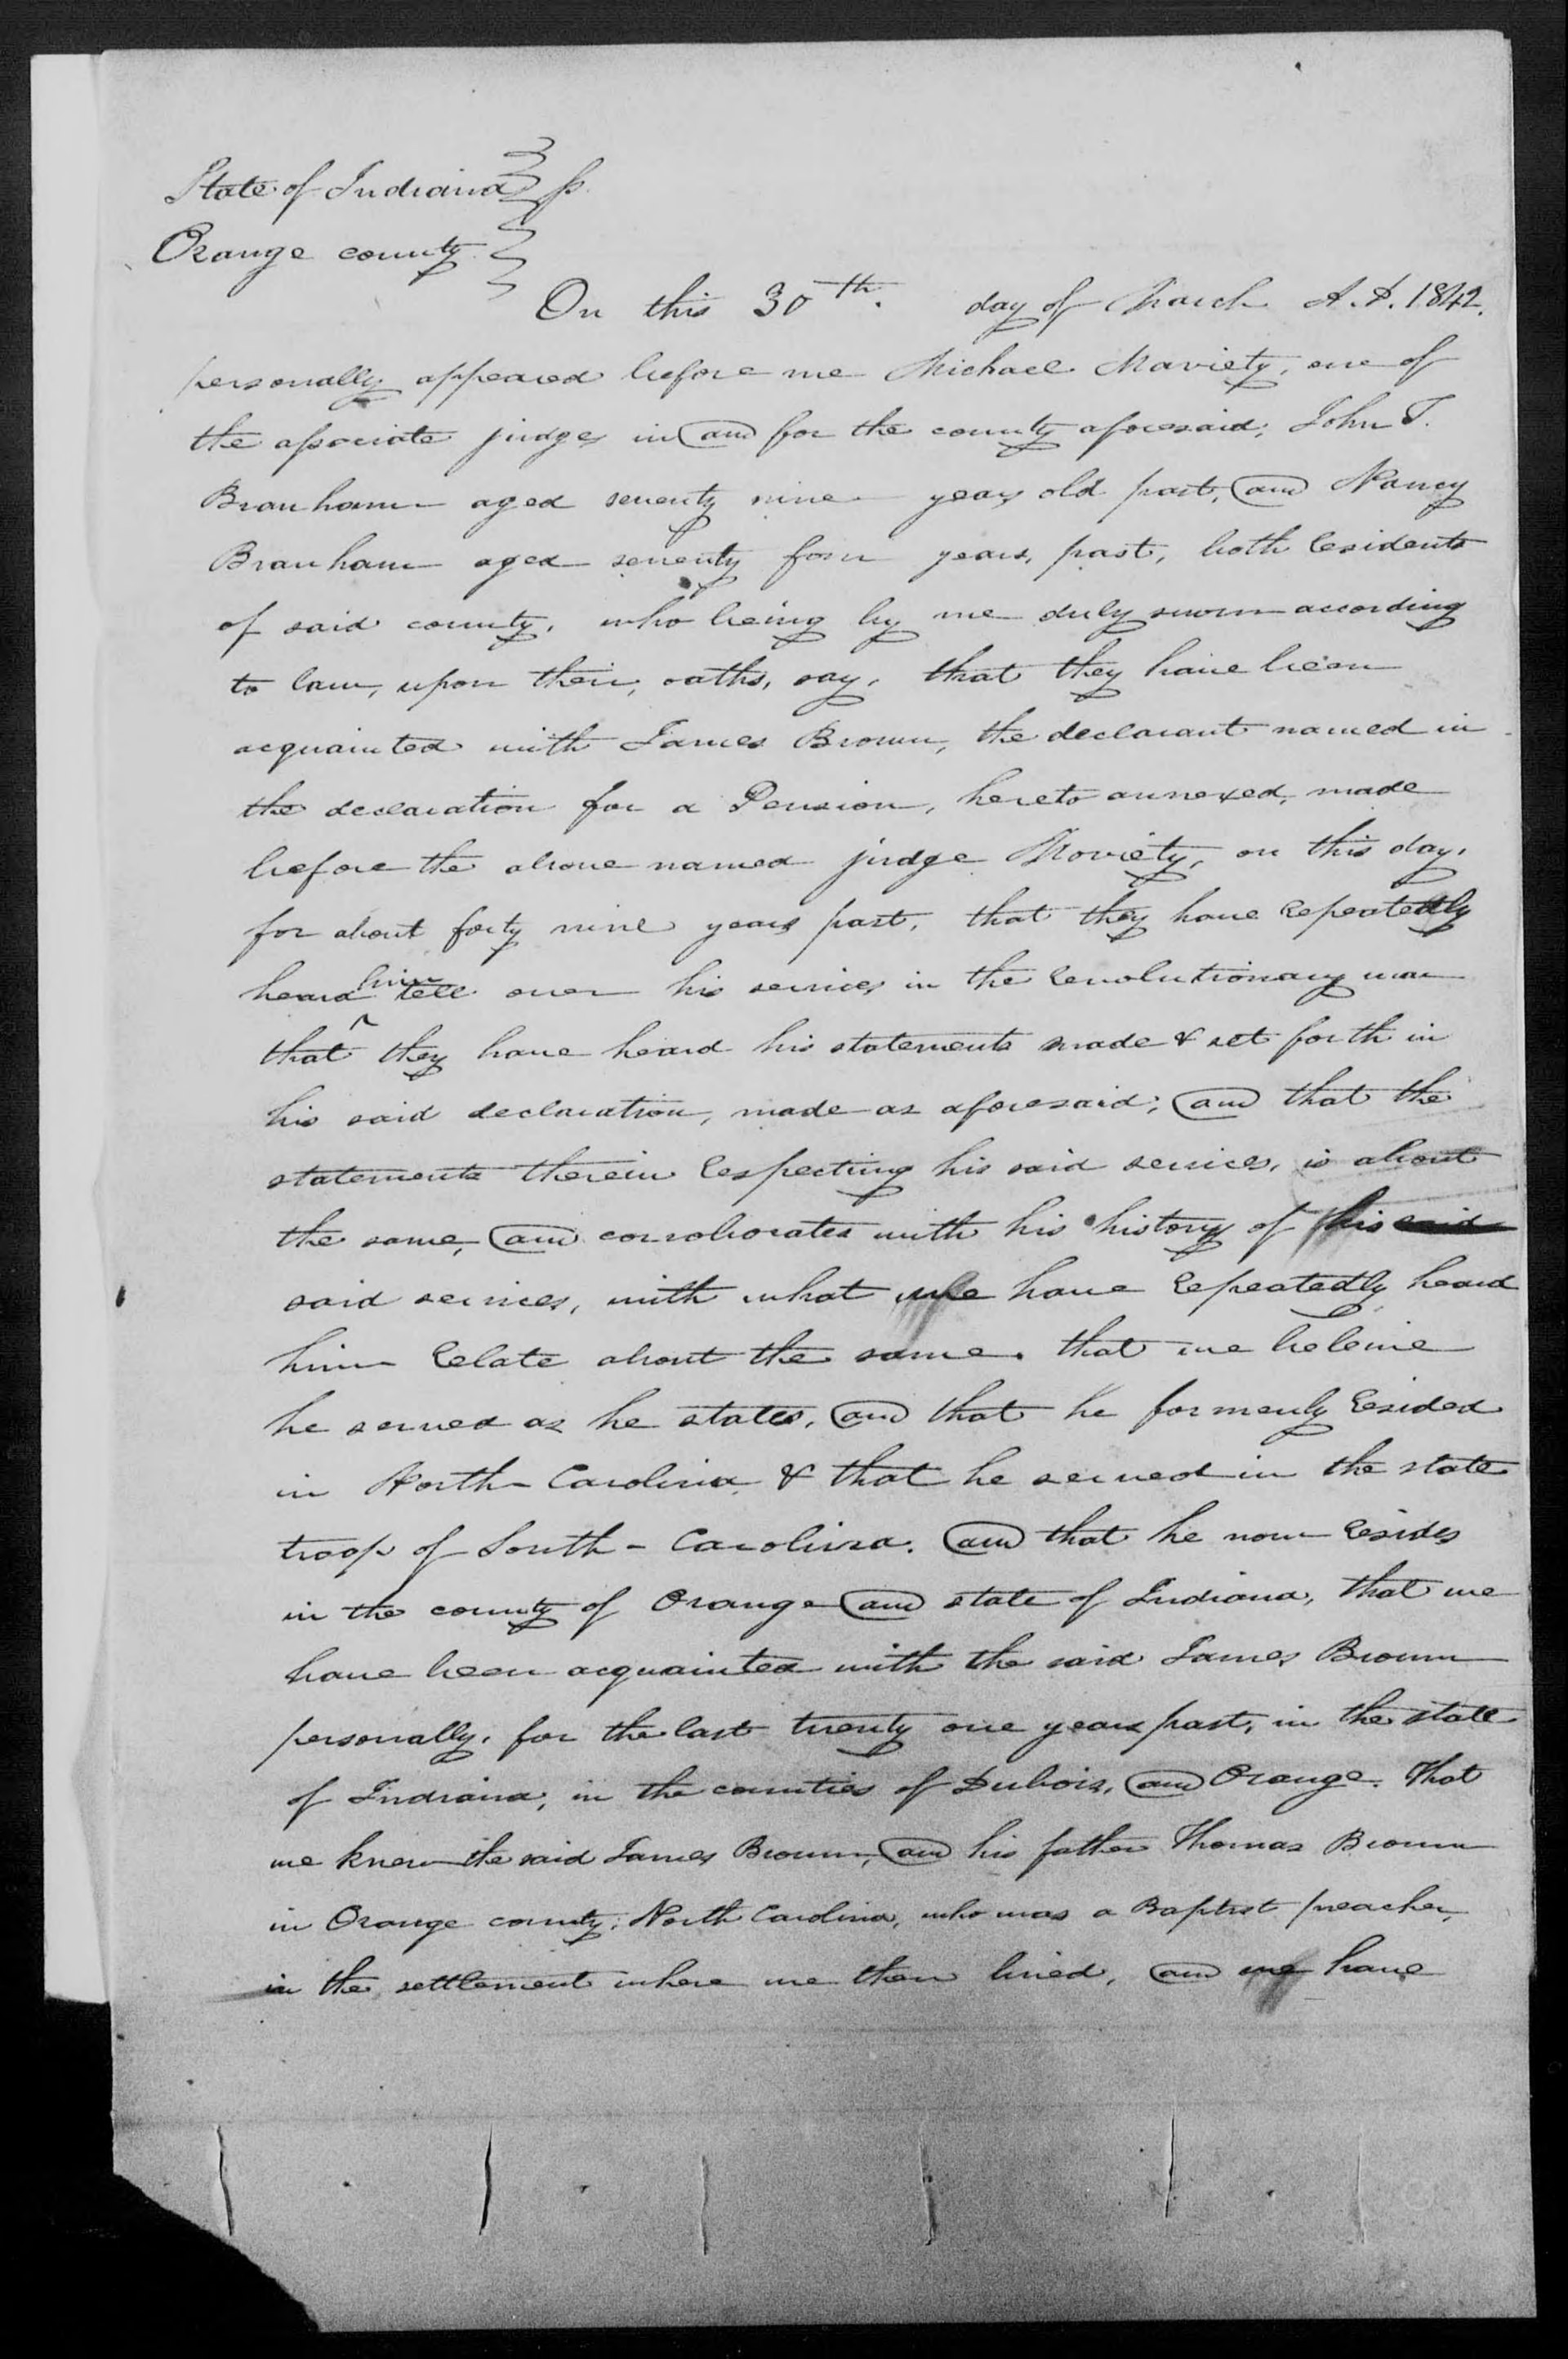State of Indiana Orange County 
On this 30th
day of March A.D. 1842
personally appeared before me Michael Mavity, one of the
associate Judges in and for the County aforesaid, John T. Branham aged seventy nine years old part, and Nancy Branham aged seventy four years, past, both residents of said county, who being by me duly sworn according to law, upon their oaths, say, that they have been
acquainted with James Brown, the declarant named in the declaration for a Pension, hereto annexed, made
before the above named Judge Mavity, on this day.
for about forty nine years past, that they have repeatedly heard him tell of  his services in the revolutionary war
that they have heard his statement made & set forth in his said declaration made as aforesaid; and that the statement therein respecting his said services, is about the same, and corroborated with his history of this said services, with what we have repeatedly heard him relate about the same, that we believe he served as he states, and that he formerly resided
in North Carolina & that he served in the state troop of South Carolina, and that he now resides in the County of Orange and State of Indiana, that we
have been acquainted with the said James Brown personally, for the last twenty one years past, in the State of
Indiana, in the Counties of Dubois, and Orange. That we know the said James Brown, and his father Thomas Brown in Orange County, North Carolina, who was a Baptist preacher,
in the settlement where we then lived, and have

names: James Brown, Moviety, Nancy Branham, John T Branham, James Brown, Michael Maviety, Thomas Brown, James Brown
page: 14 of 41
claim: rejected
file: R. 1309, James Brown, S.C.